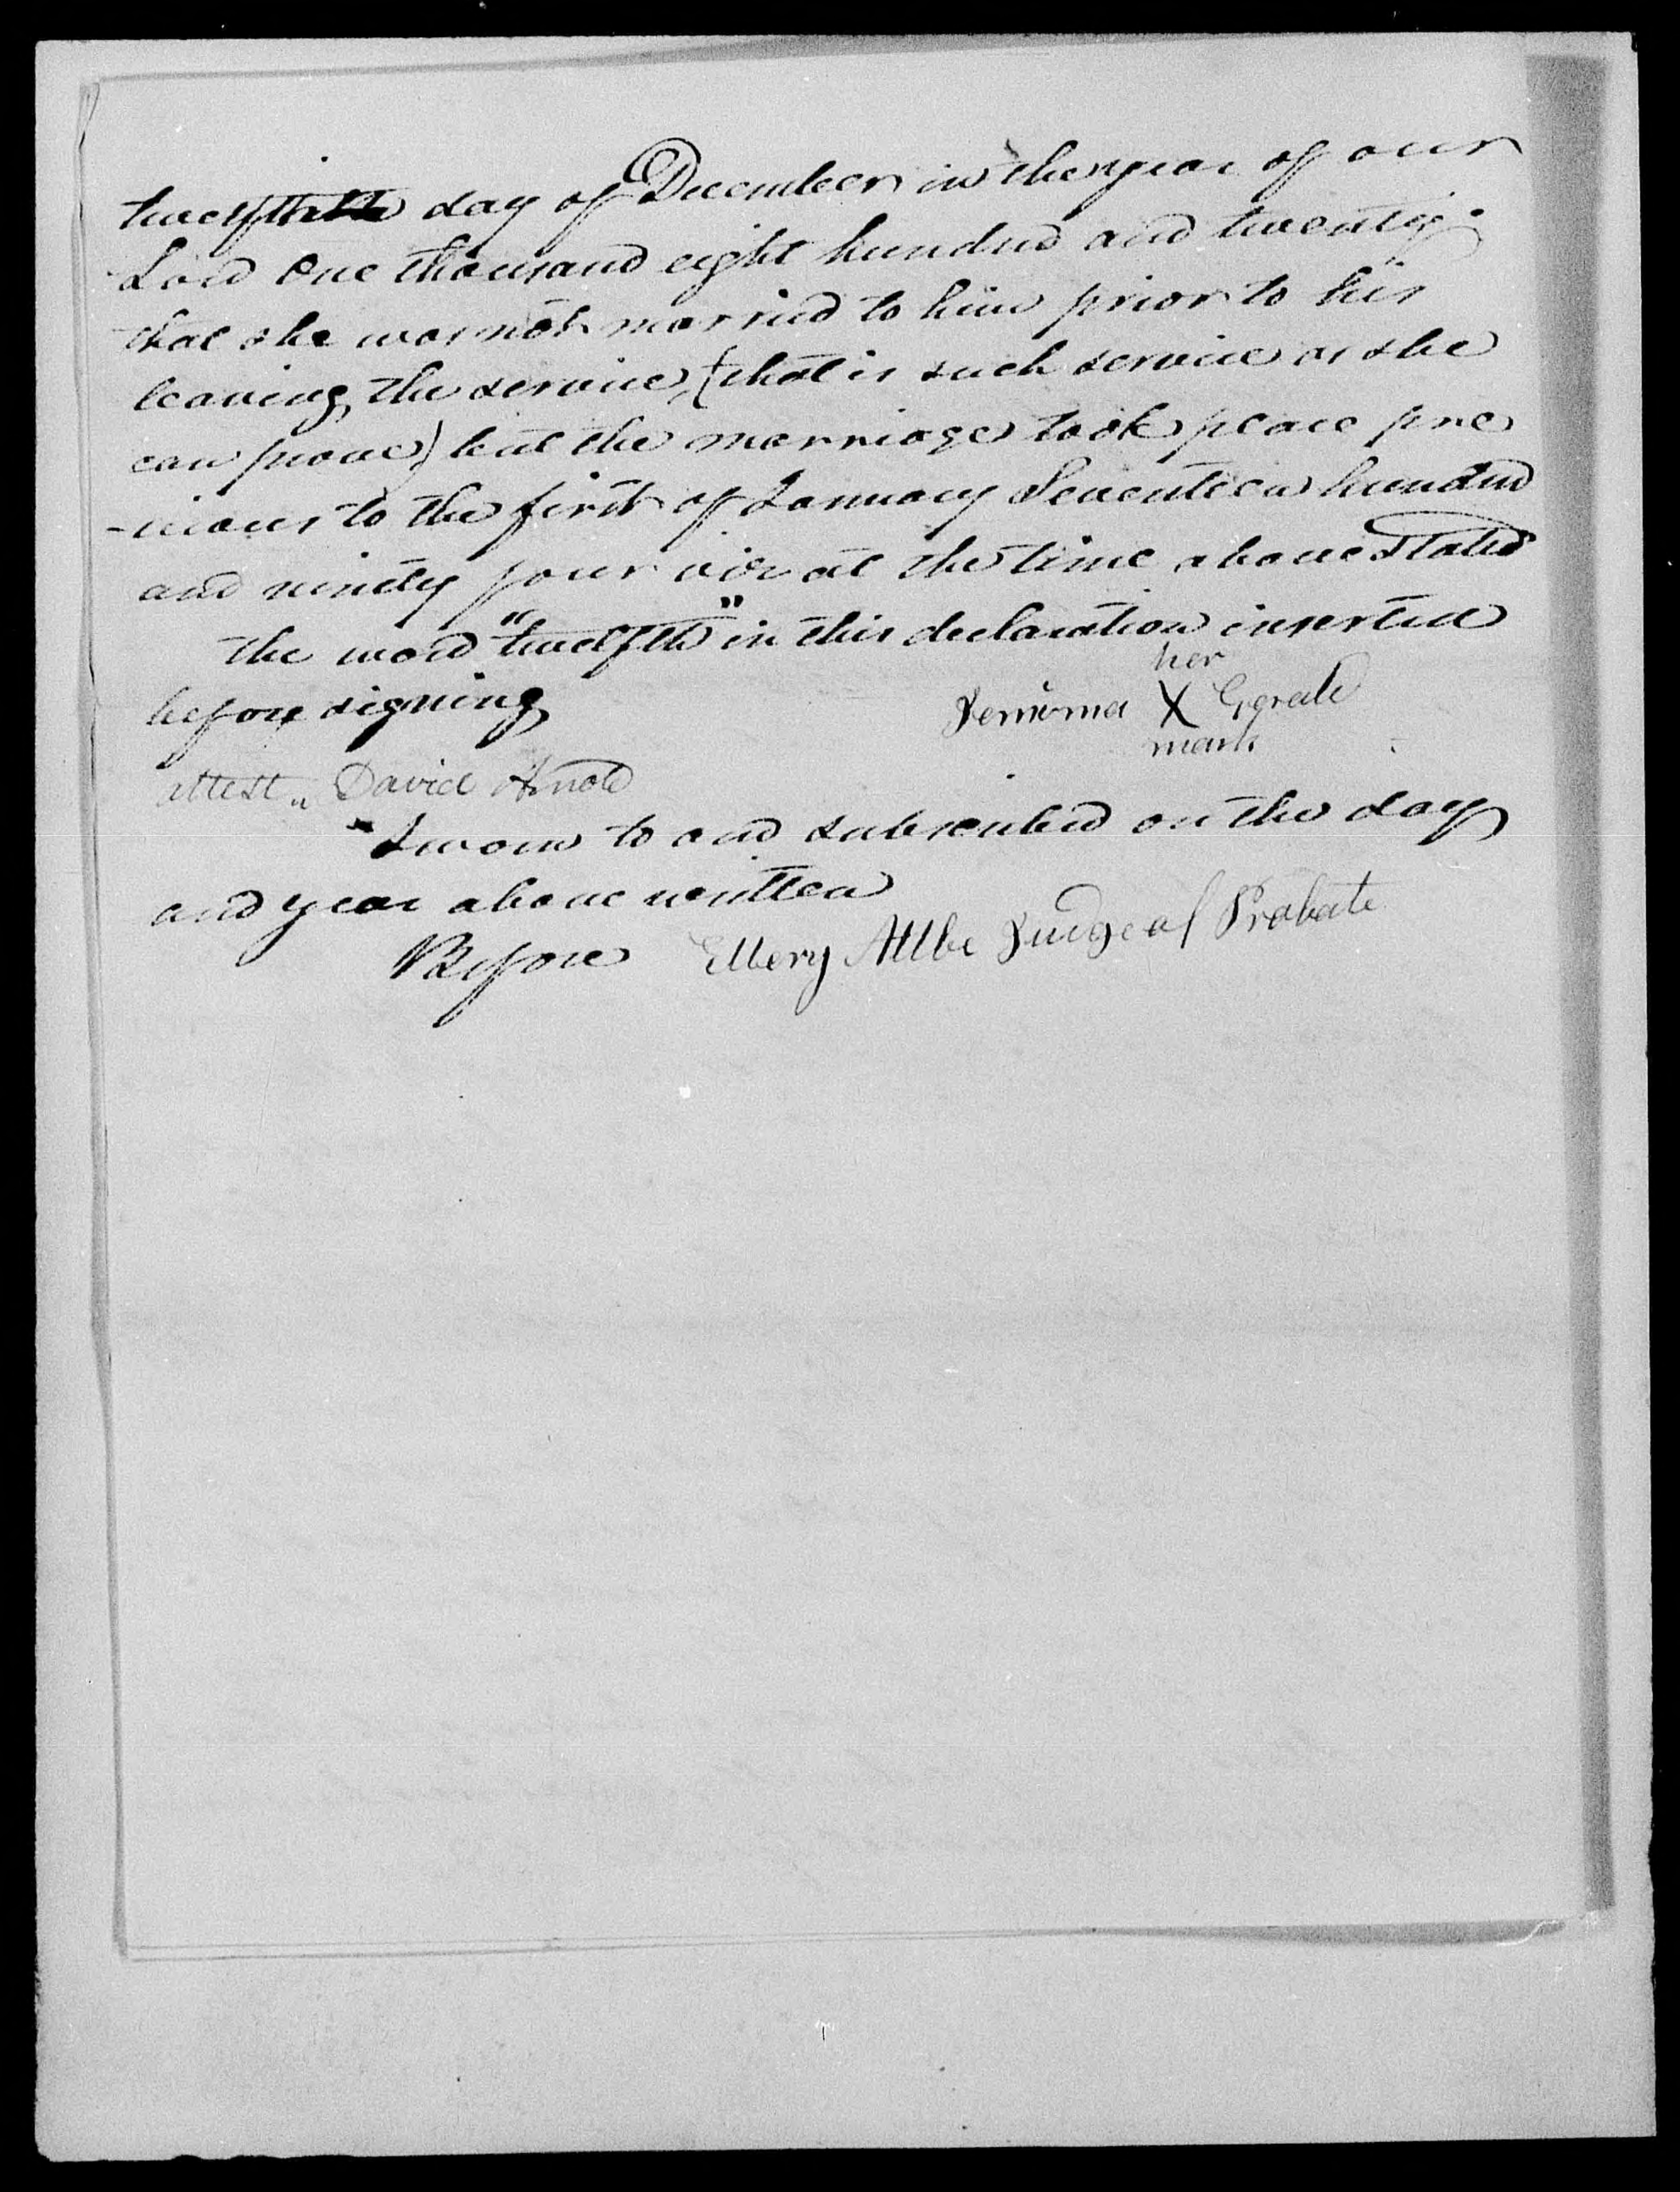twelfth day of December in the year of our Lord one thousand eight hundred and twenty that she was not married to him prior to his leaving the service, that is such service of the can prove that the marriage took place prior to the first of January Seventeen hundred and ninety four viz at the time above stated      
The word "twelfth" in this declaration inserted before signing 
Jemima Gerald her X mark
Attest David Arnold (signature)

Sworn to and subscribed on the day and year above written
Before 
Ellery Allbe Judge of Probate (signature)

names: Elbery Allbe, Jemima Gerald, David Arnold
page: 18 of 26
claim: widow's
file: W. 25619, Gamaliel Gerald, Mass.